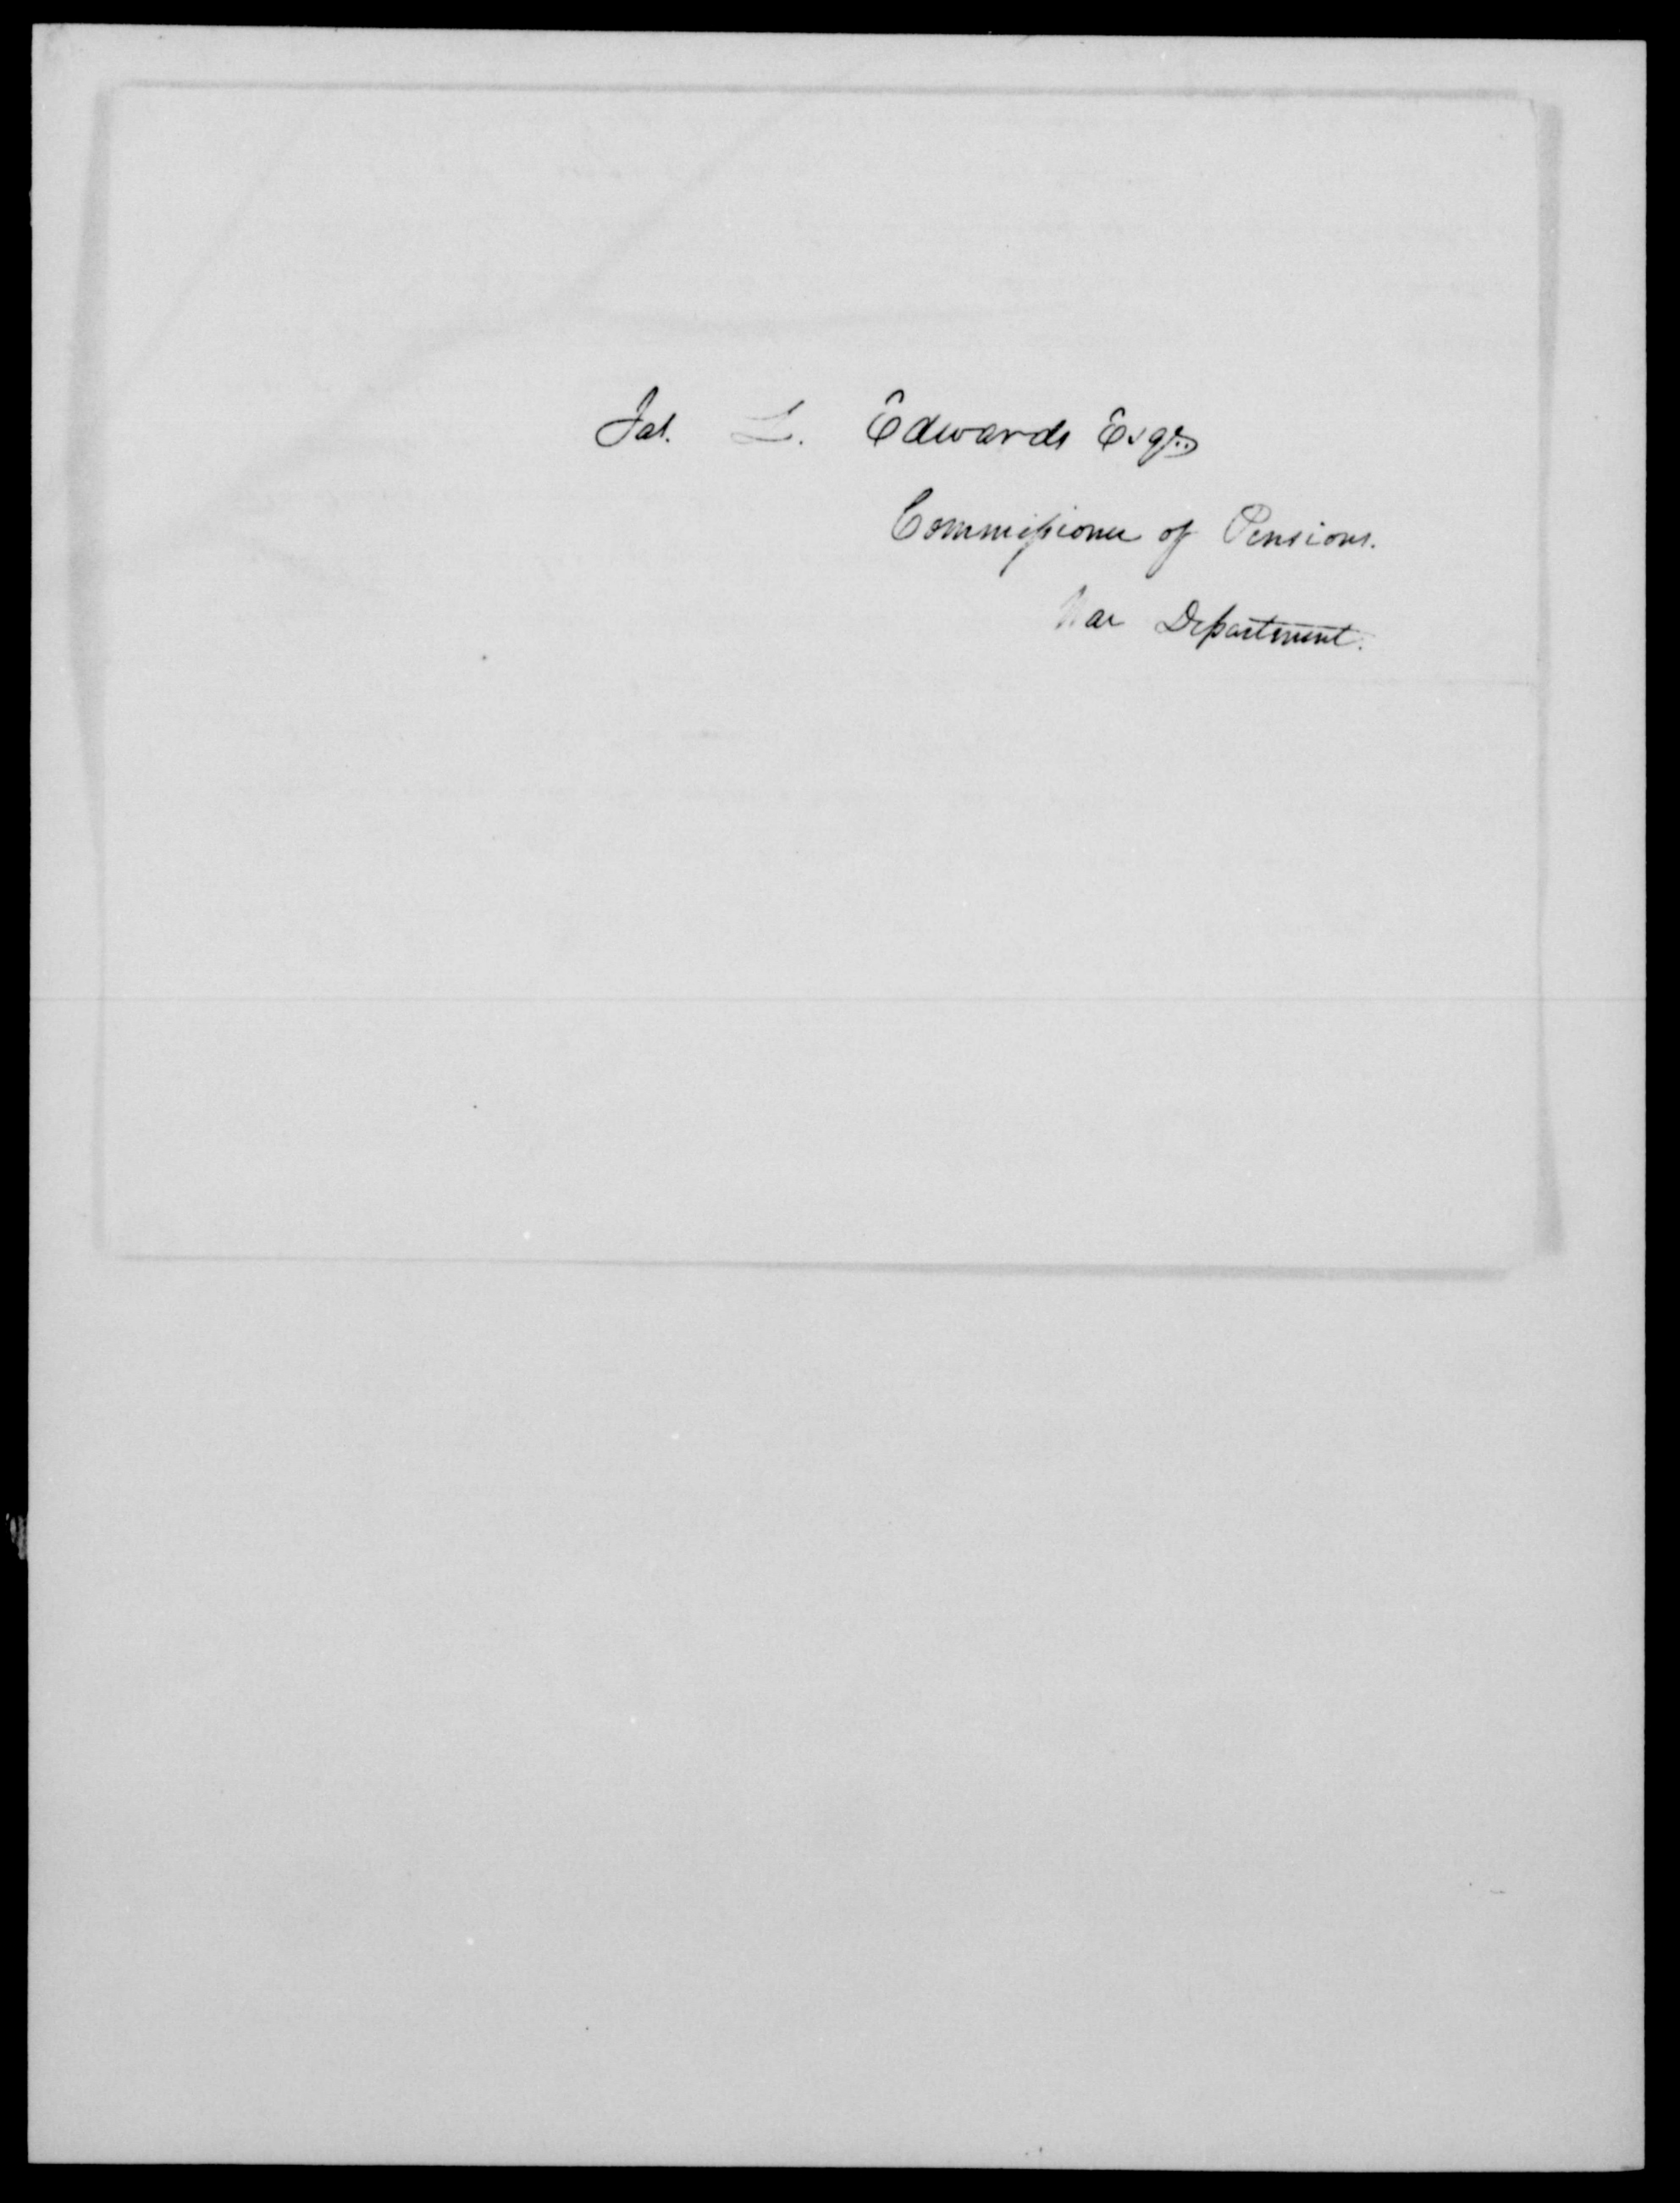Jas. L. Edwards Esqr.
Commissioner of Pensions.
War Department.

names: Jas L Edwards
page: 30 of 44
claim: survivor's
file: S. 912, for Samuel Shipman, New Jersey